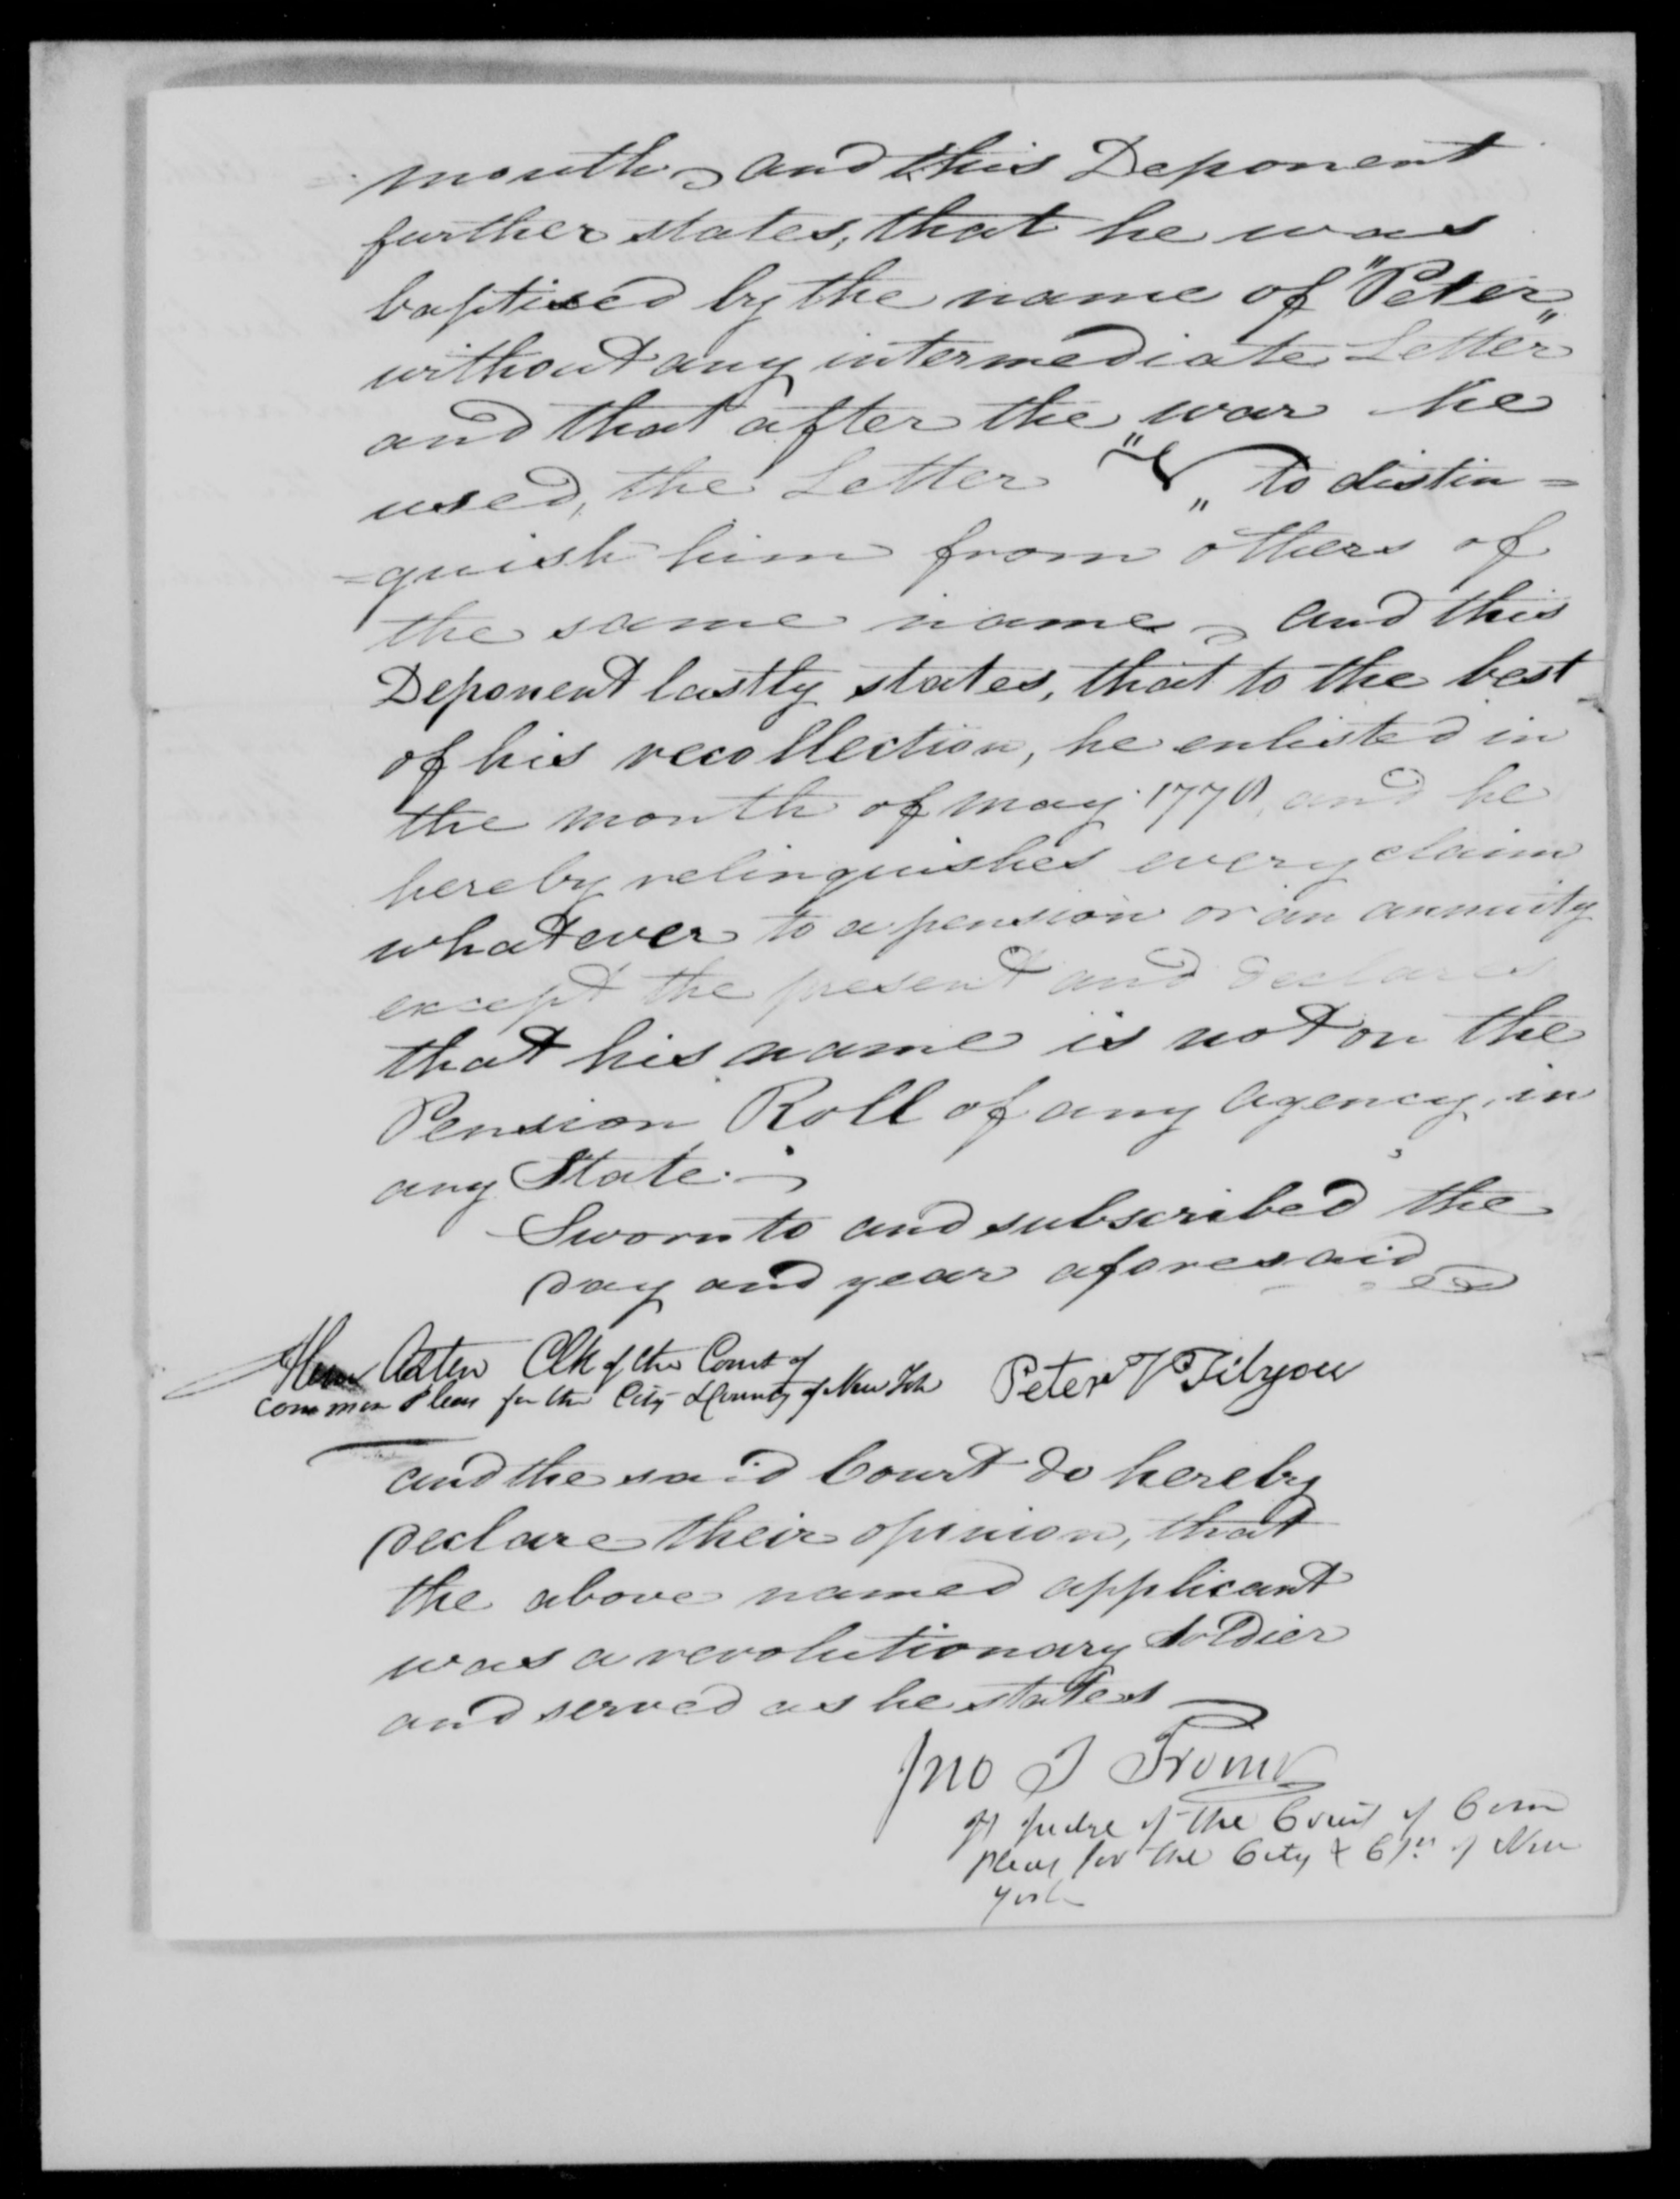- mouth, and this Deponent further states that he was baptised by the name of Peter without any intermediate Letter and that after the war he used the letter "V" to distinguish him from others of the same name, and this Deponent lastly states that to the best of his recollection  he enlisted in the month of May 1778 and he hereby relinquishes every claim whatever to a pension or an annuity except the present and declares that his name is not on the Pension Roll of any agency in any State.

Sworn to and subscribed the day and year aforesaid.? Asten (sig)
Clerk of the Court of Common Pleas for the City-County of New York

Peter V. Tilyou (sig)

And the said Court do hereby declare their opinion that the above named applicant was a revolutionary soldier and served as he stated
Jno J Homer (sig)
Judge of the Court of Com Pleas for the City and County of New York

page: 7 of 101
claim: widow's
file: W. 25481, for Peter V Tilyou, New Jersey